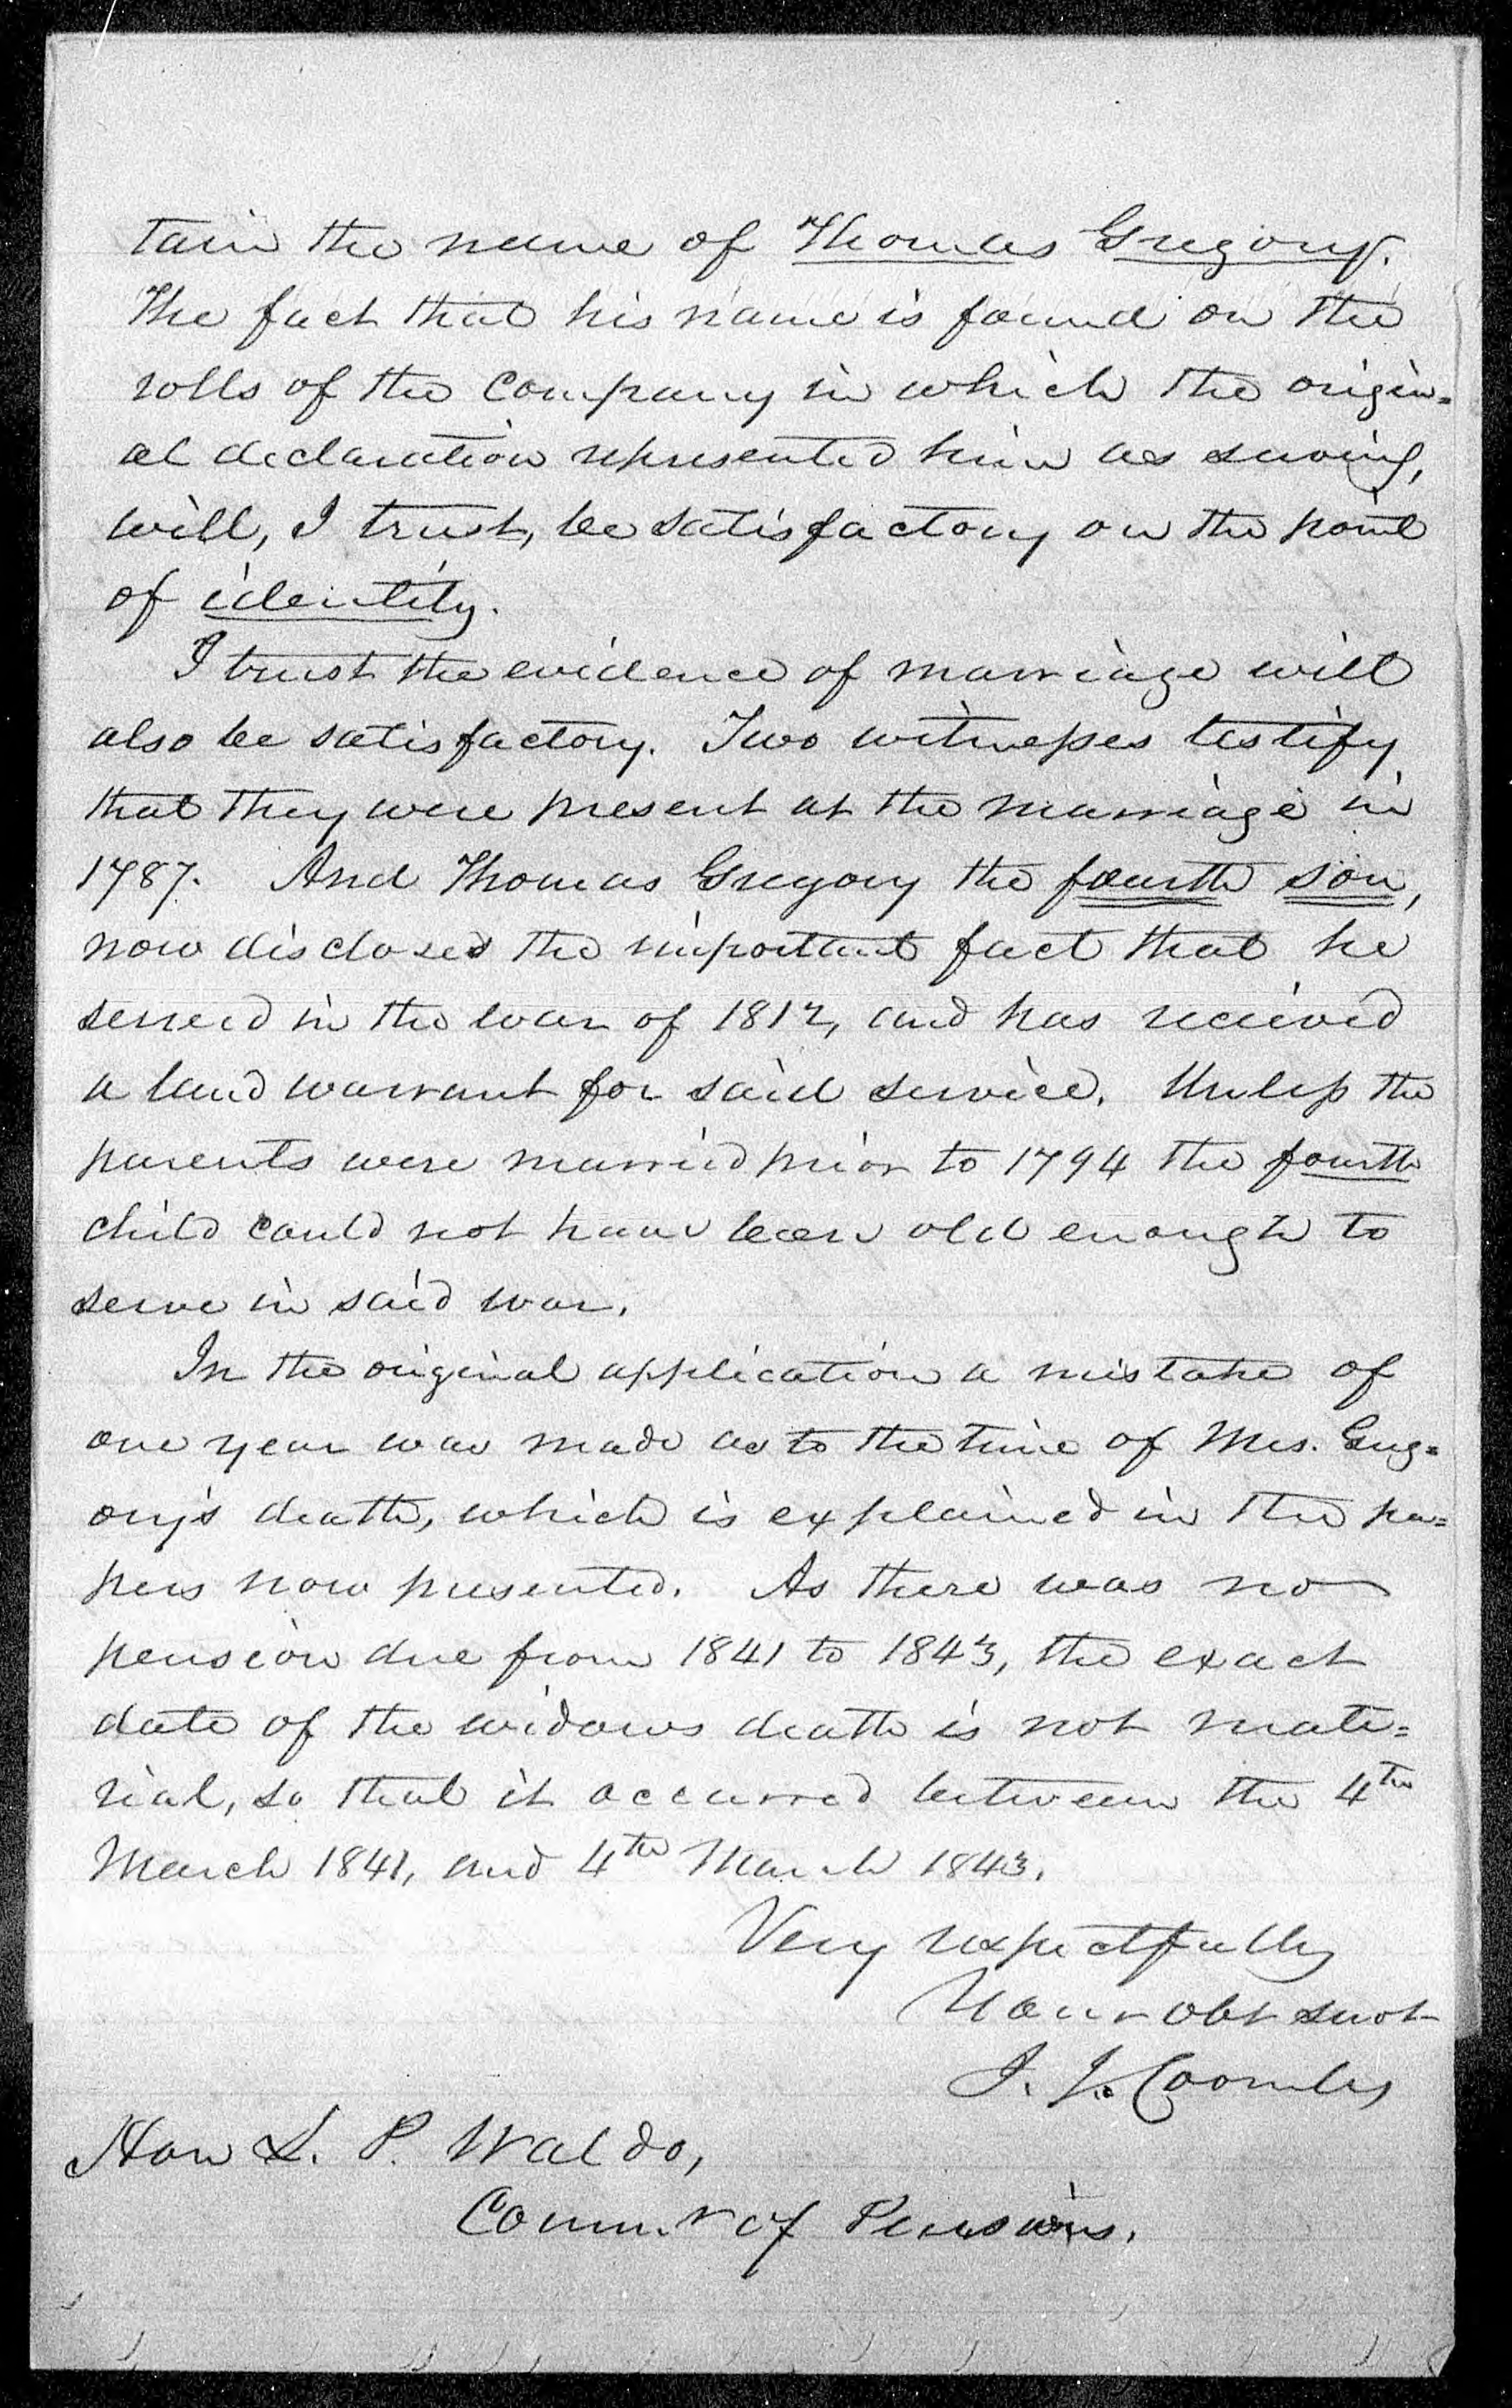[con-]tain the name of Thomas Gregory.  The fact that his name is found on the rolls of the company in which the original declaration represented him as serving will, I trust, be satisfactory on the point of identity.
I trust the evidence of marriage will also be satisfactory. Two witnesses testify that they were present at the marriage in 1787.  And Thomas Gregory the fourth son, now disclosed the important fact that he served in the War of 1812, and has received a land warrant for said service.  Unless the parents were married prior to 1794 the fourth child could not have been old enough to serve in said war.
In the original application a mistake of one year was made as to the time of Mrs. Gregory's death, which is explained in the papers now presented.  As there was no pension due from 1841 to 1843, the exact date of the widows death is not material, so that it occurred between the 4th March 1841 and 4th March 1843.
Very respectfully
Your obt serv't
J. J. Coombs

Hon L. P Waldo,
Comm'r of Pensions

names: Thomas Gregory, J J Coombs, L P Waldo, Gregory, Thomas Gregory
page: 27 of 75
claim: widow's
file: W. 8876, Thomas Gregory, Continental Va